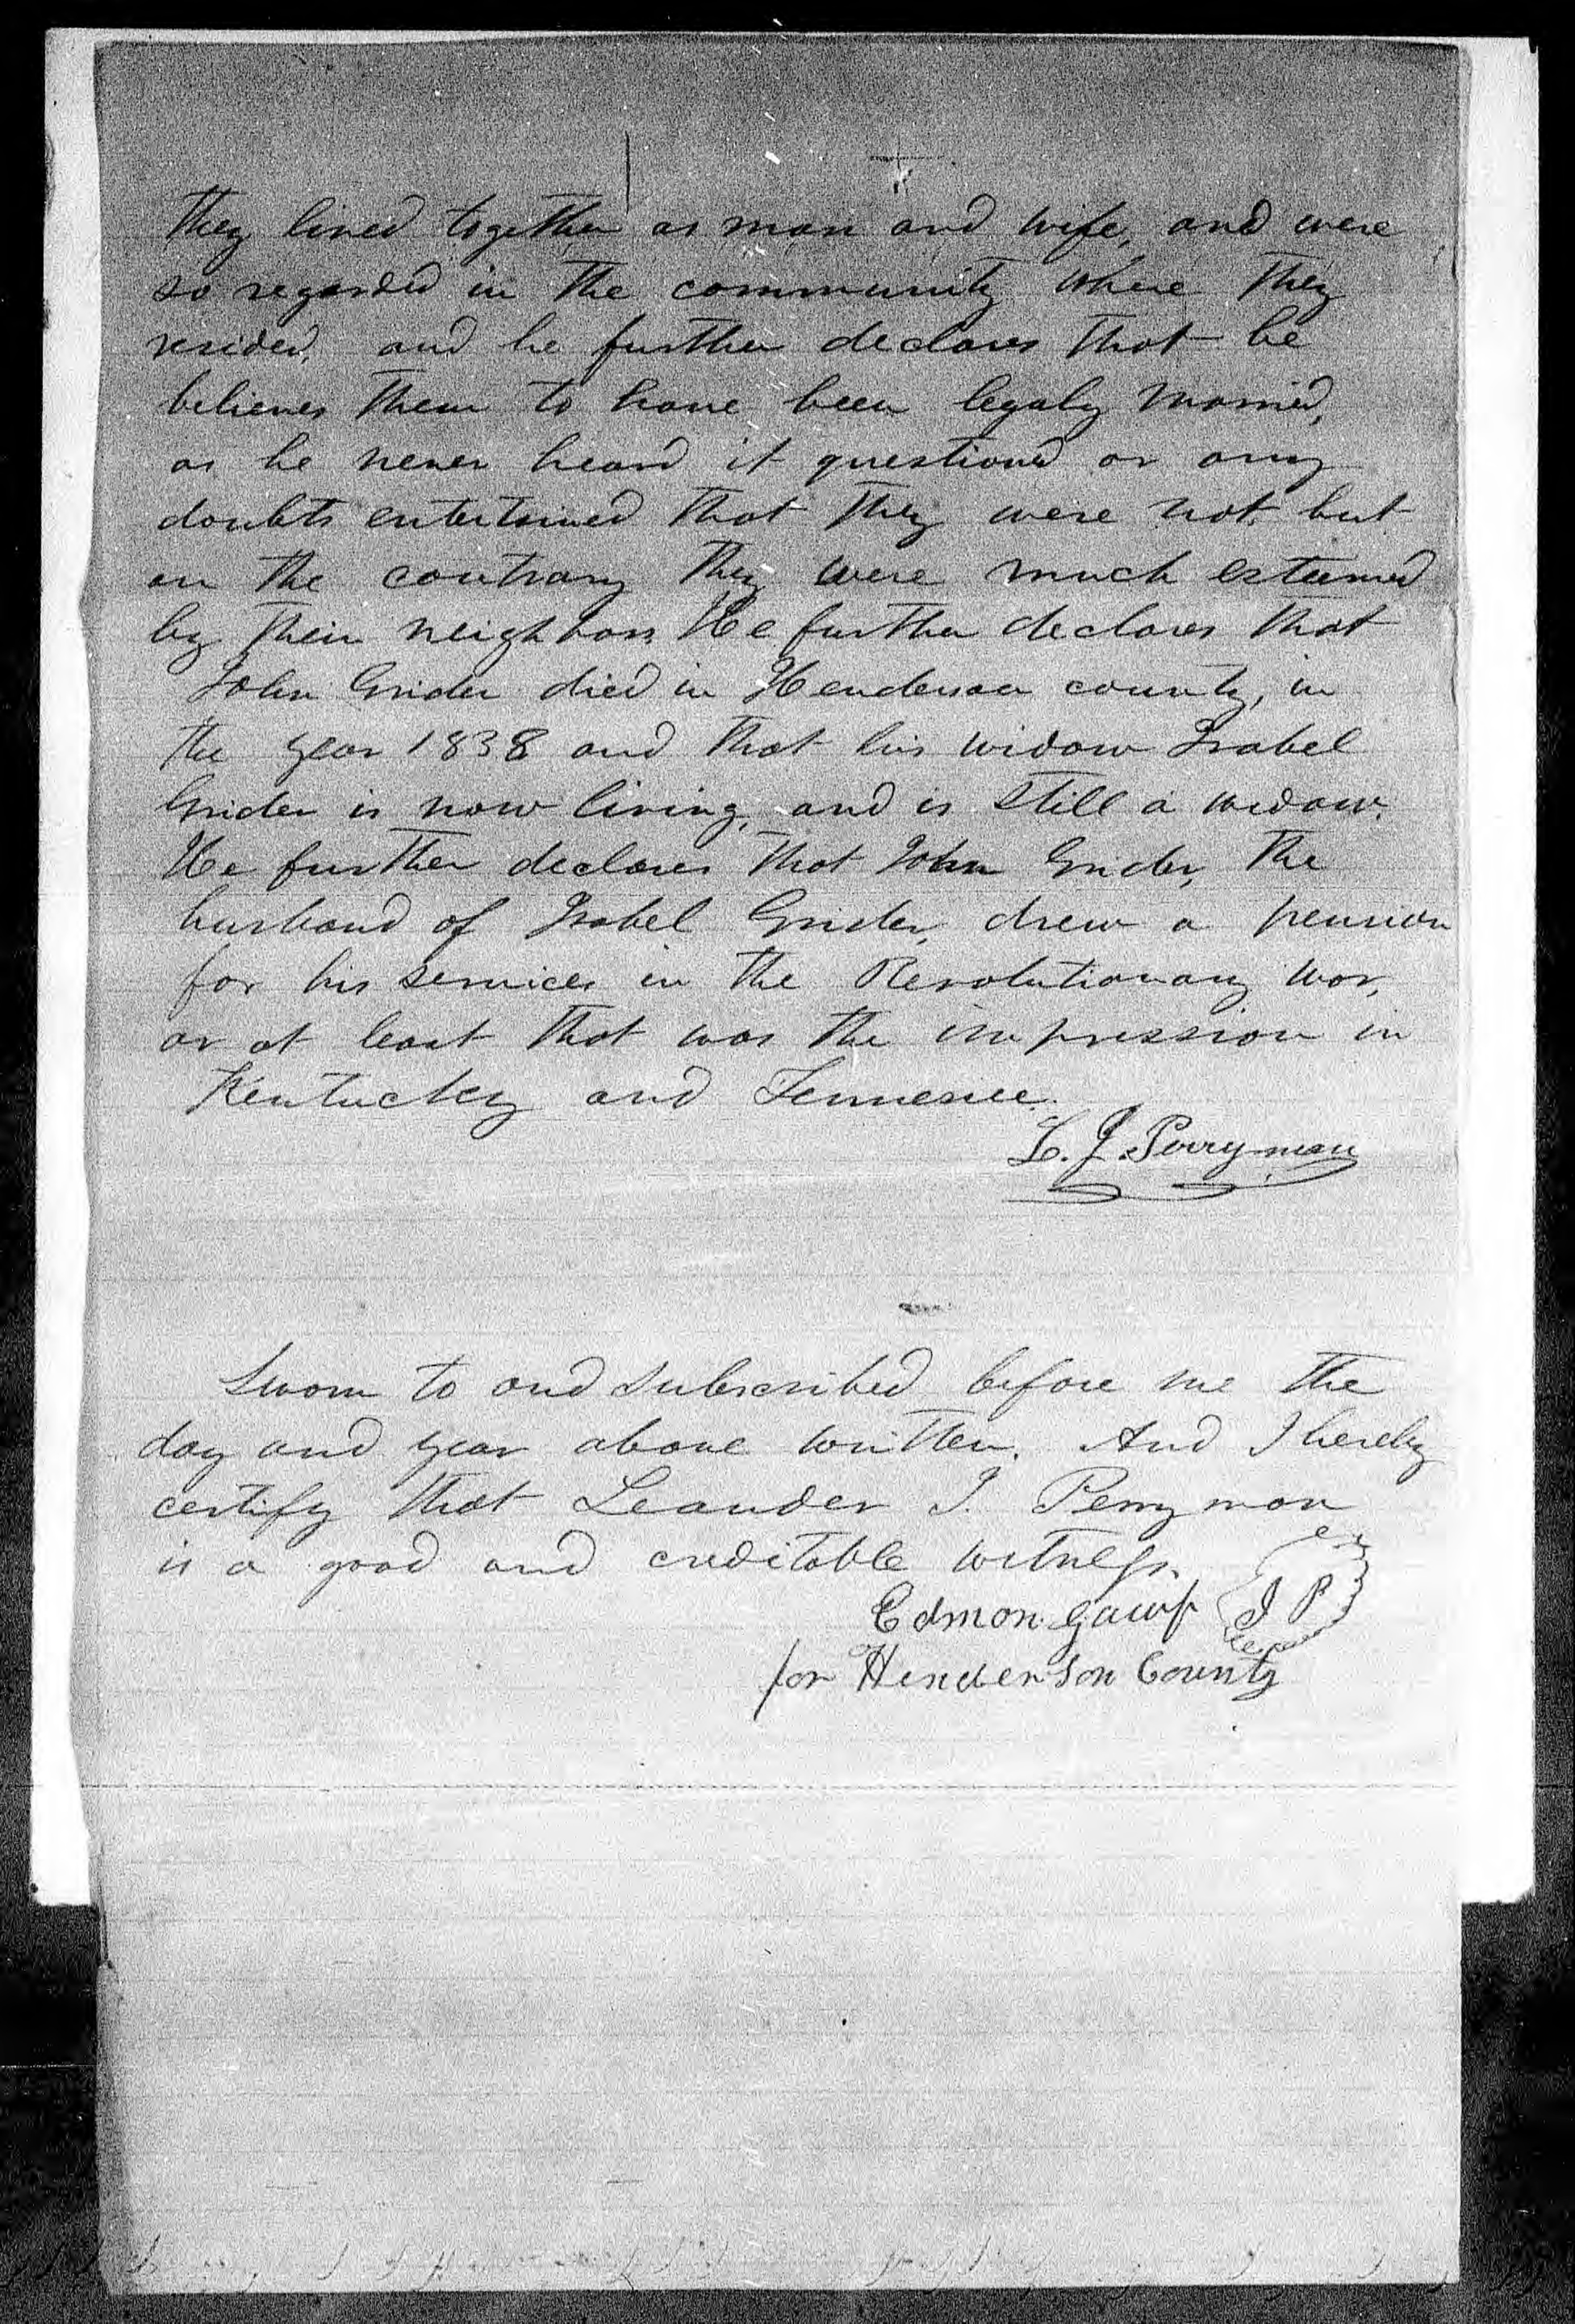they lived together as man and wife, and were so regarded in the community where they resided and he further declares that he believes them to have been legaly [legally] married, as he never heard it questioned or any doubts entertained that they were not but on the contrary. They were much esteemed by their neighbors. He further declares that  John Grider died in Henderson county , in th eyear 1838 and that his widow Isabel Grider is now living and is still a widow. He further declares that John Grider, the husband of Isabel Grider, drew a pension for his services in the Revolutionary war, or at least that was the impression in Kentucky and Tennessee.  [signed] L J Perryman

Sworn to and subscribed before me the day and year above written. And I hereby certify that Leander J Perryman is a good and creditable witness.  [signed] Edmon Gawf JP for Henderson County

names: Leander J Perryman, John Grider, Edmon Gawf, L J Perryman, Isabel Grider, John Grider, Isabel Grider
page: 15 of 91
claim: widow's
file: W 358, John Grider, N.C.